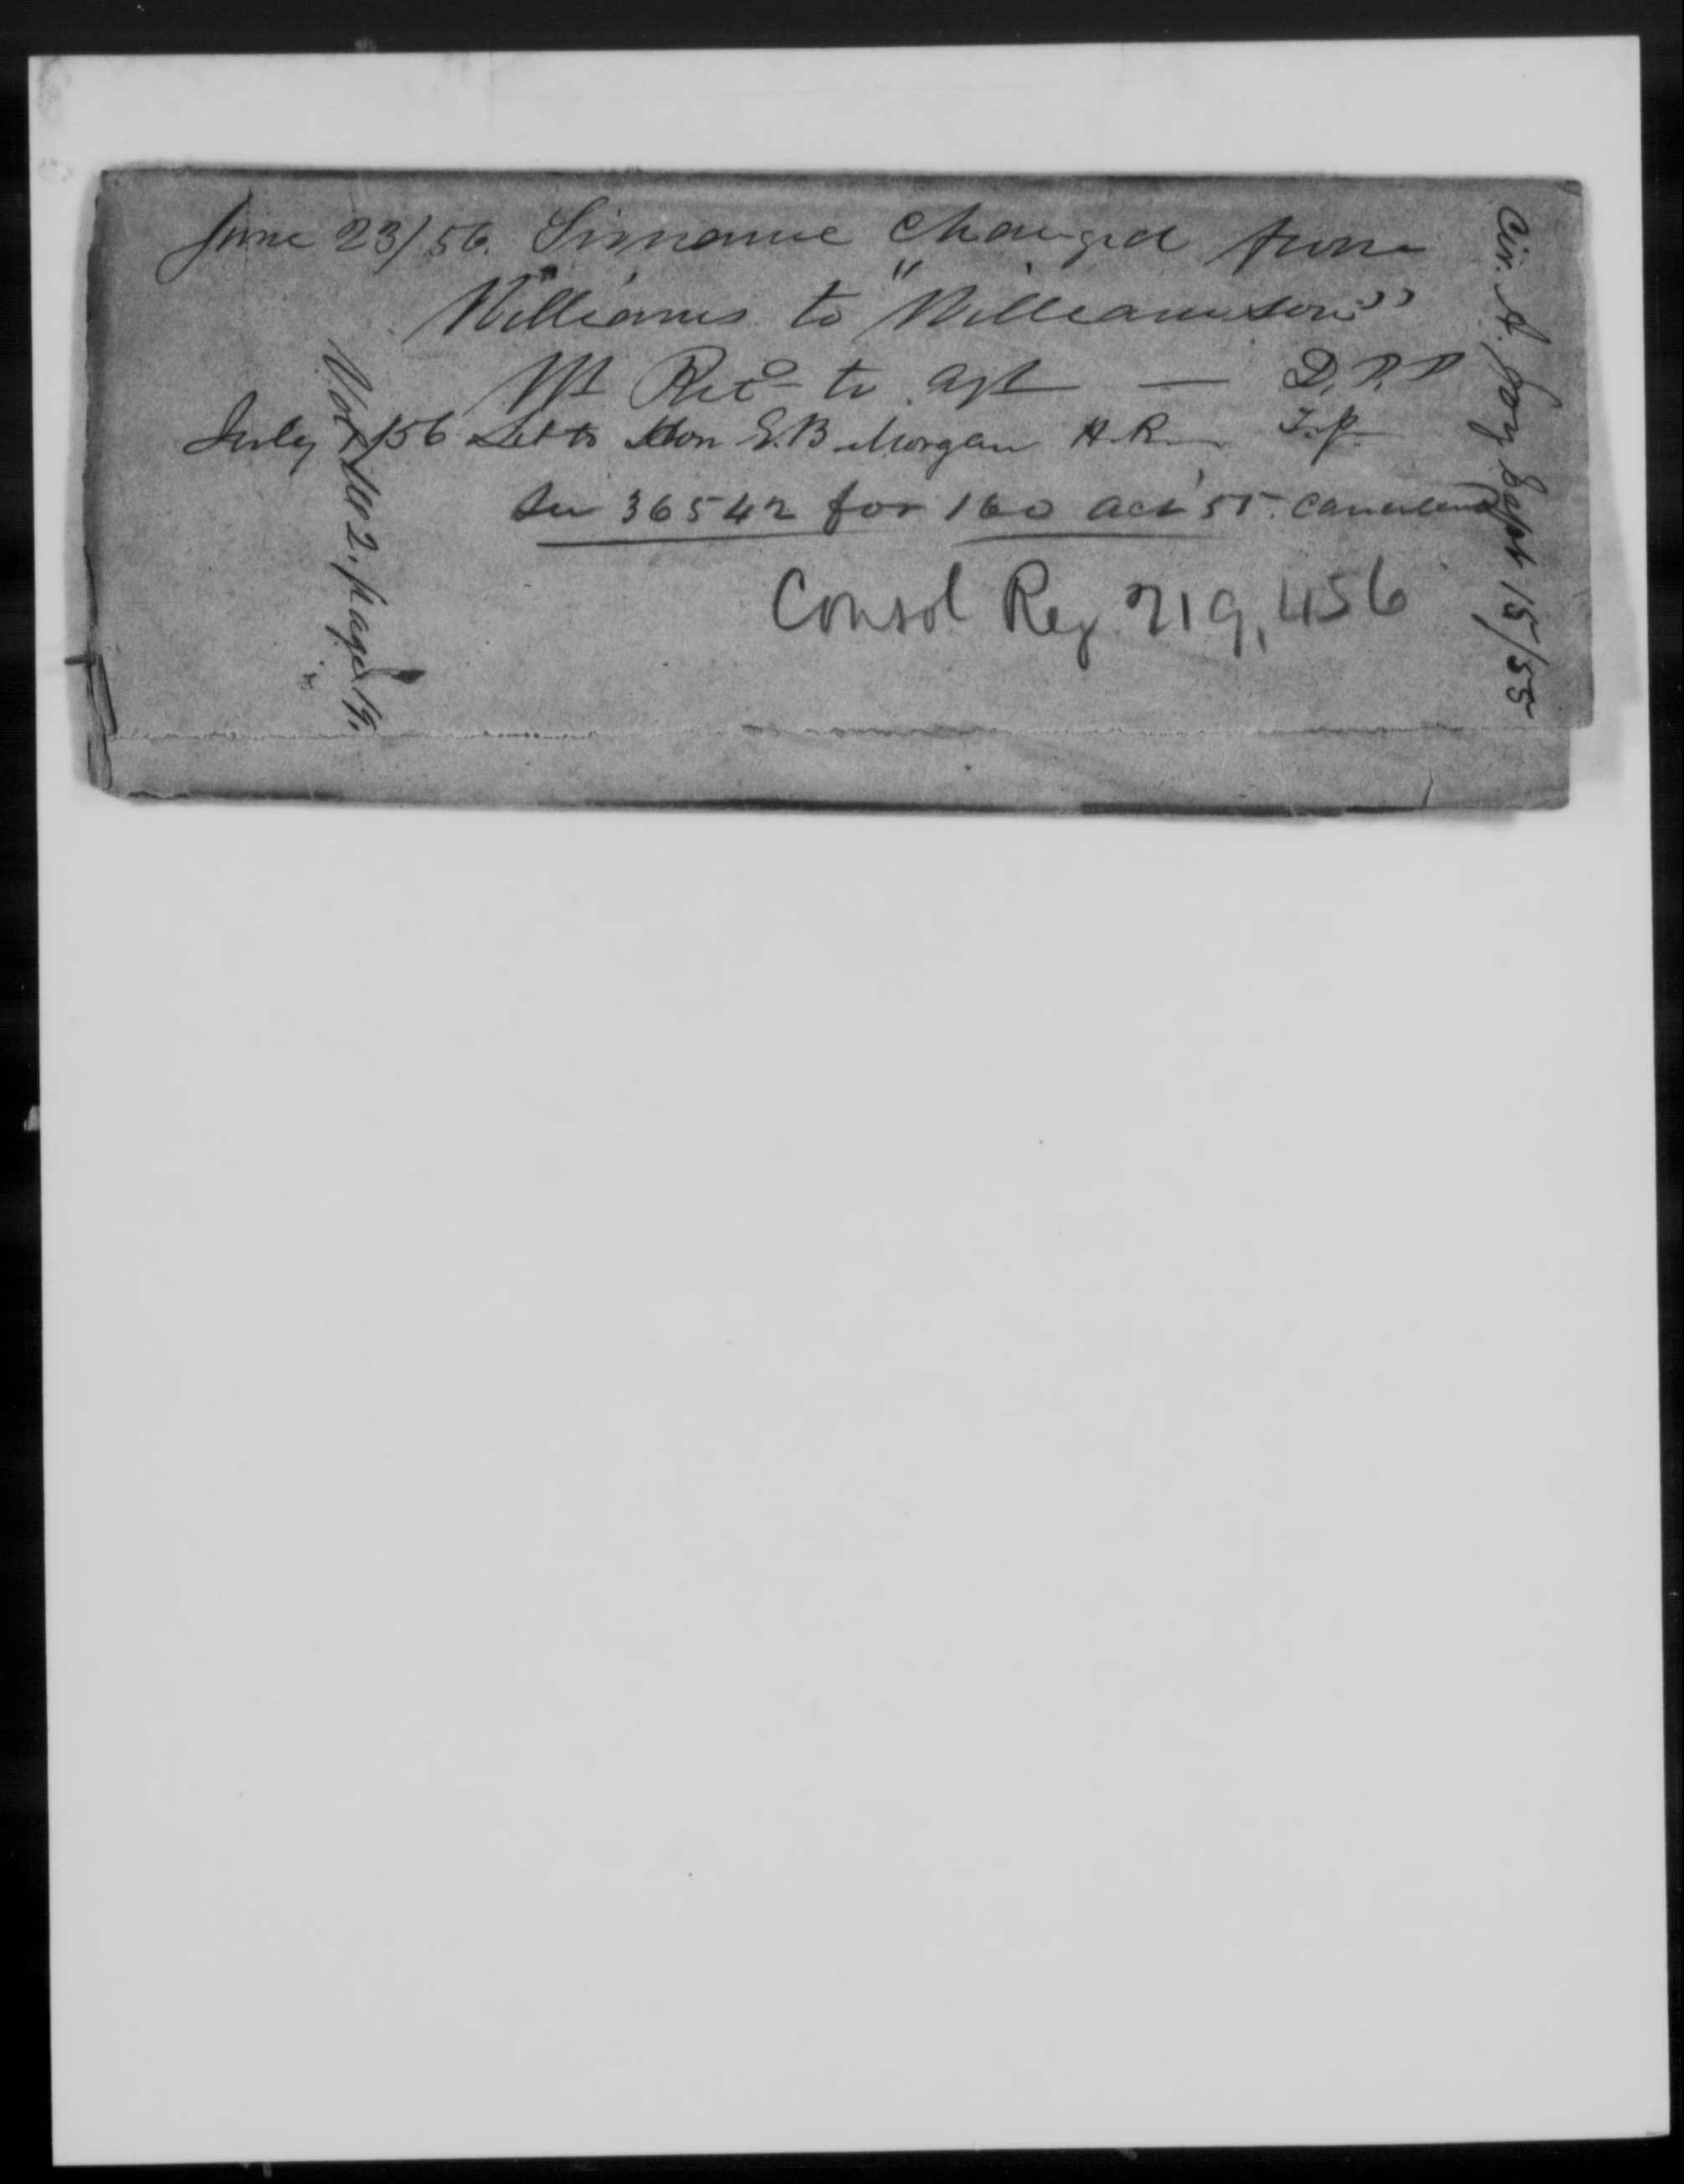June 23/'56 :  Surname changed from Williams to "Williamson"

W1 Ret(urne)d to Aug.
July 1/'56 - Let(ter sent) to Hon. S.B. Morgan, H.R.
[illegible] 36,542 for 160 Act '55 cancelled.
Consol. Rej. 219,456

Vol. W2; Page 19.

Cir. A. Joy Sep. 15/'55.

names: Williamson, A Joy, G B Morgan, Williams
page: 9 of 67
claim: widow's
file: W. 2393, Jacob Williamson, New Jersey